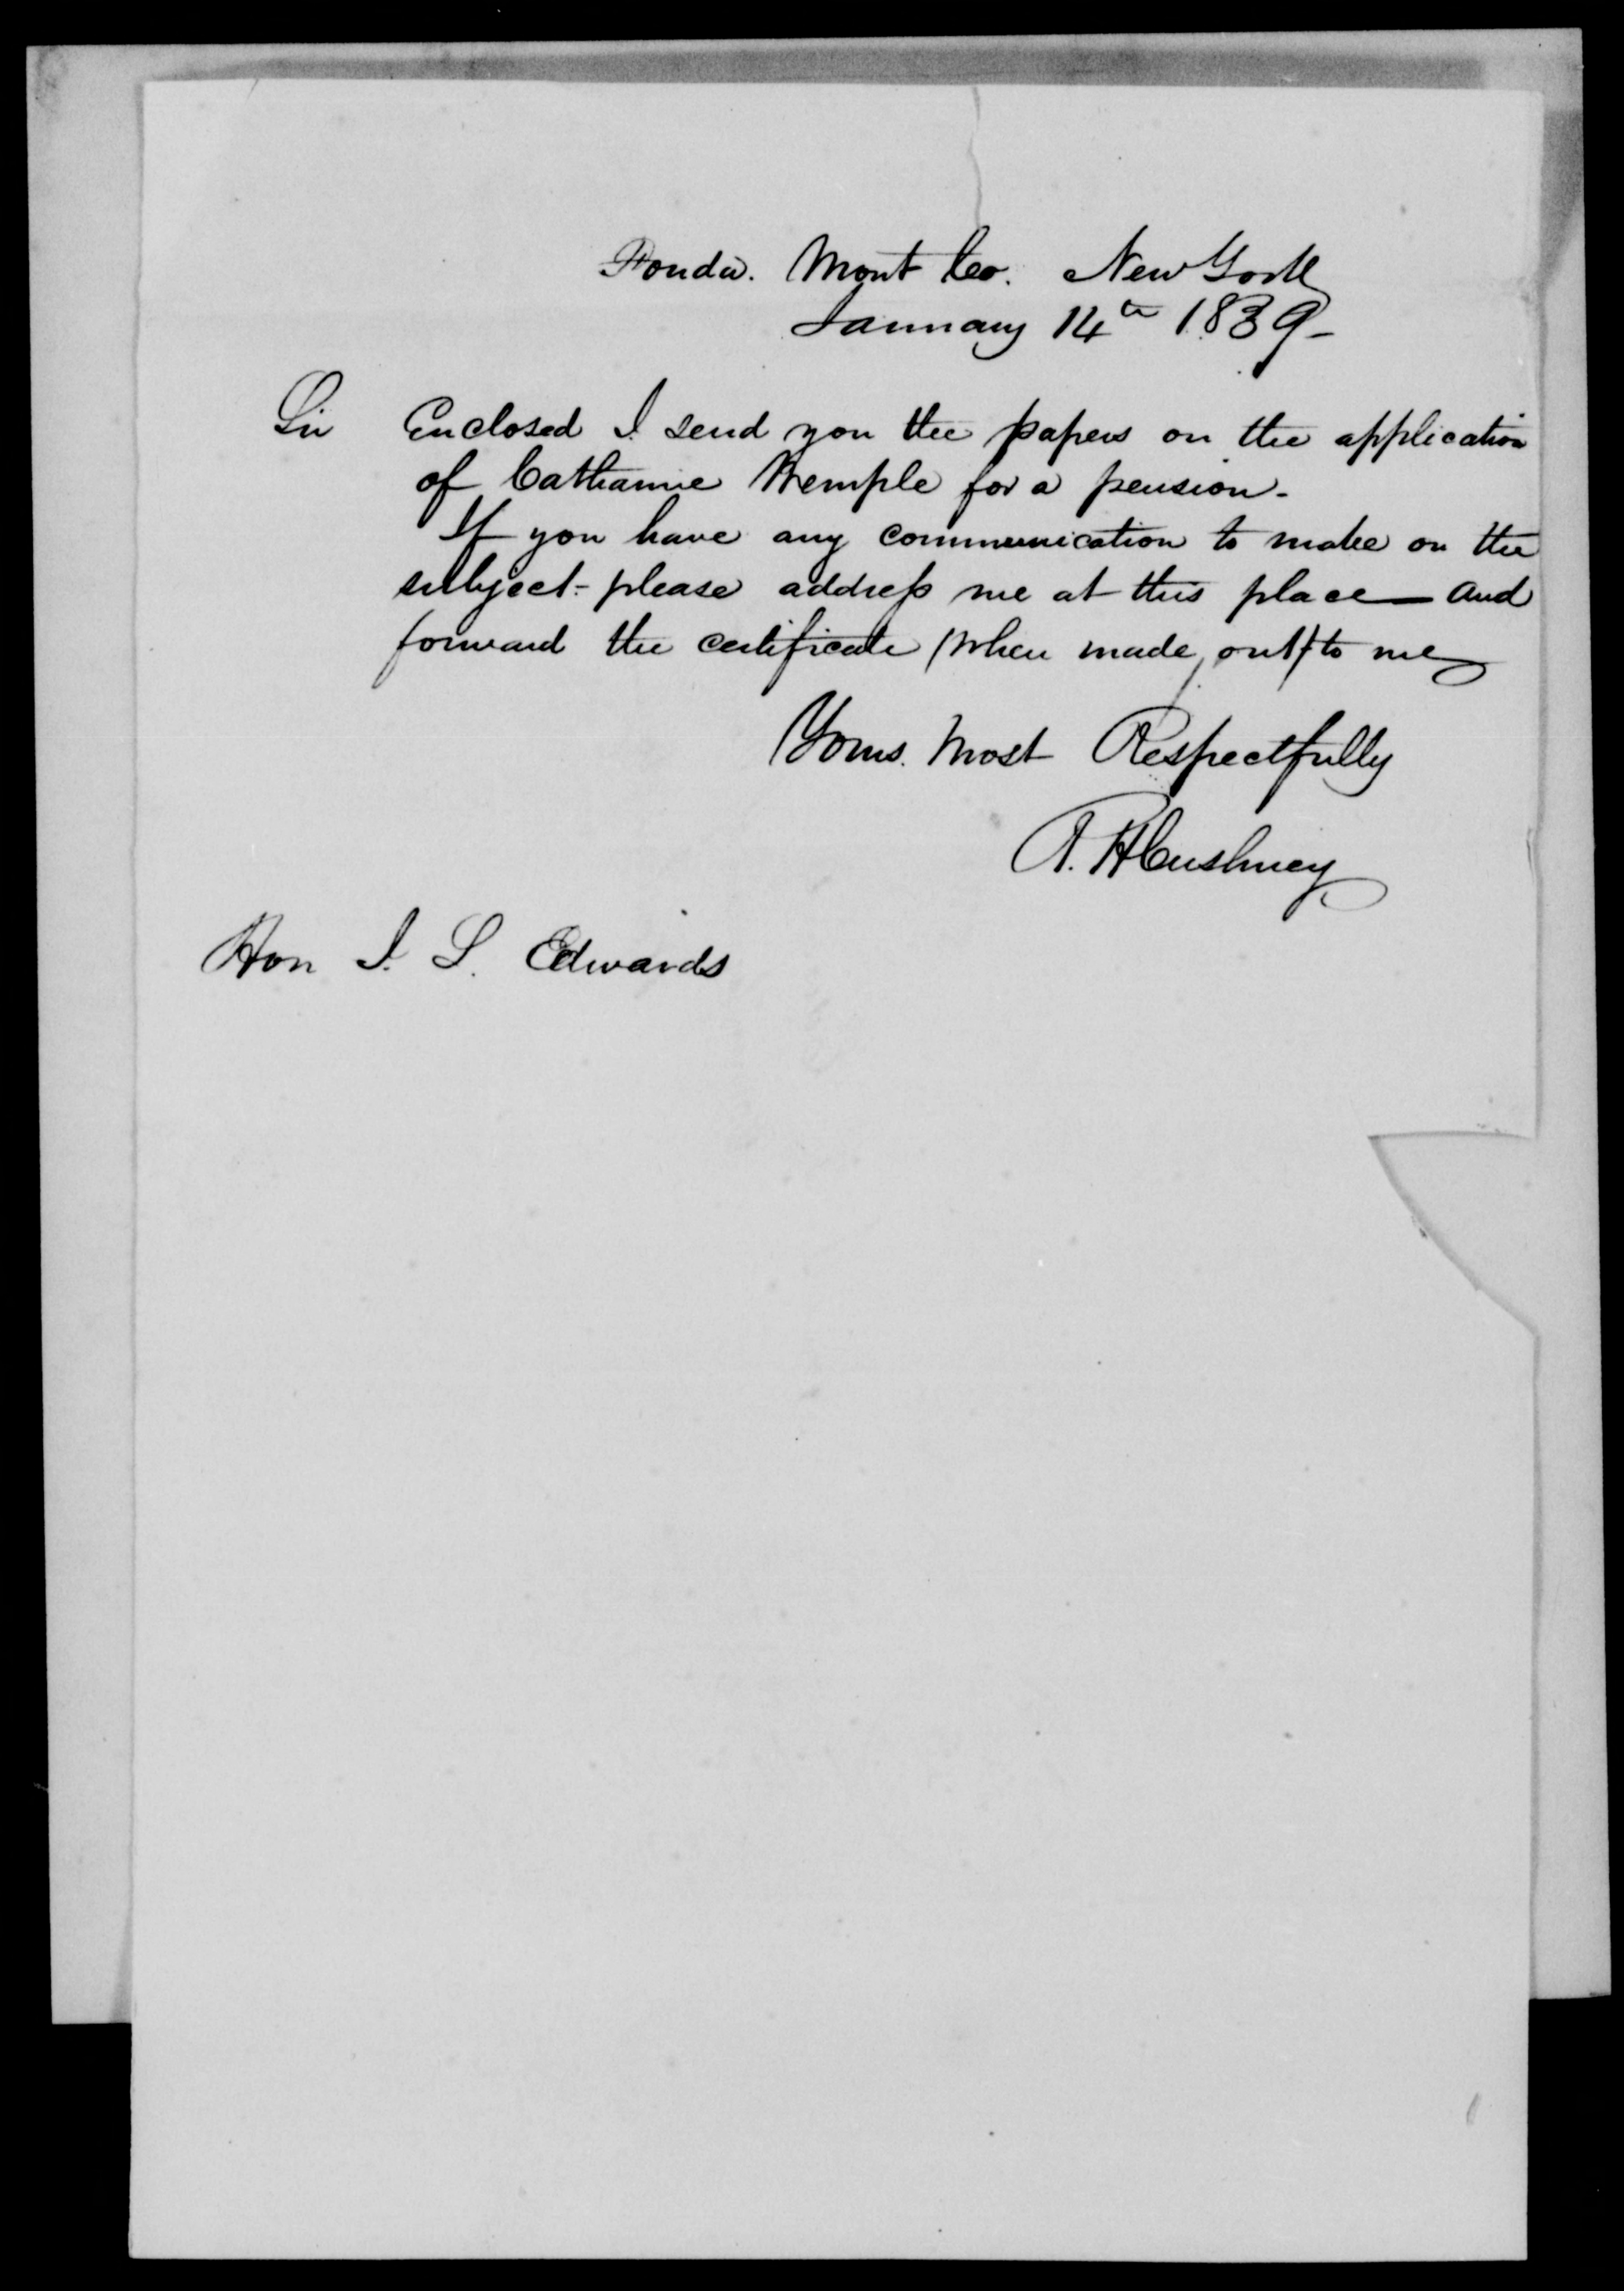Fonda.
Mont Co.  New York
January 14th 1839- 

Sir
Enclosed I send you the papers on the application
of Catharine Wemple for a pension.
If you have any communication to make on the
subject- please address me at this place and
forward the certificate when made out to me

Yours most Respectfully
R. H Cushney

J.L. Edwards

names: R H Cushney, J L Edwards, Catharine Wemple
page: 51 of 51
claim: widow's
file: W. 19604, Myndert B Wemple, New York